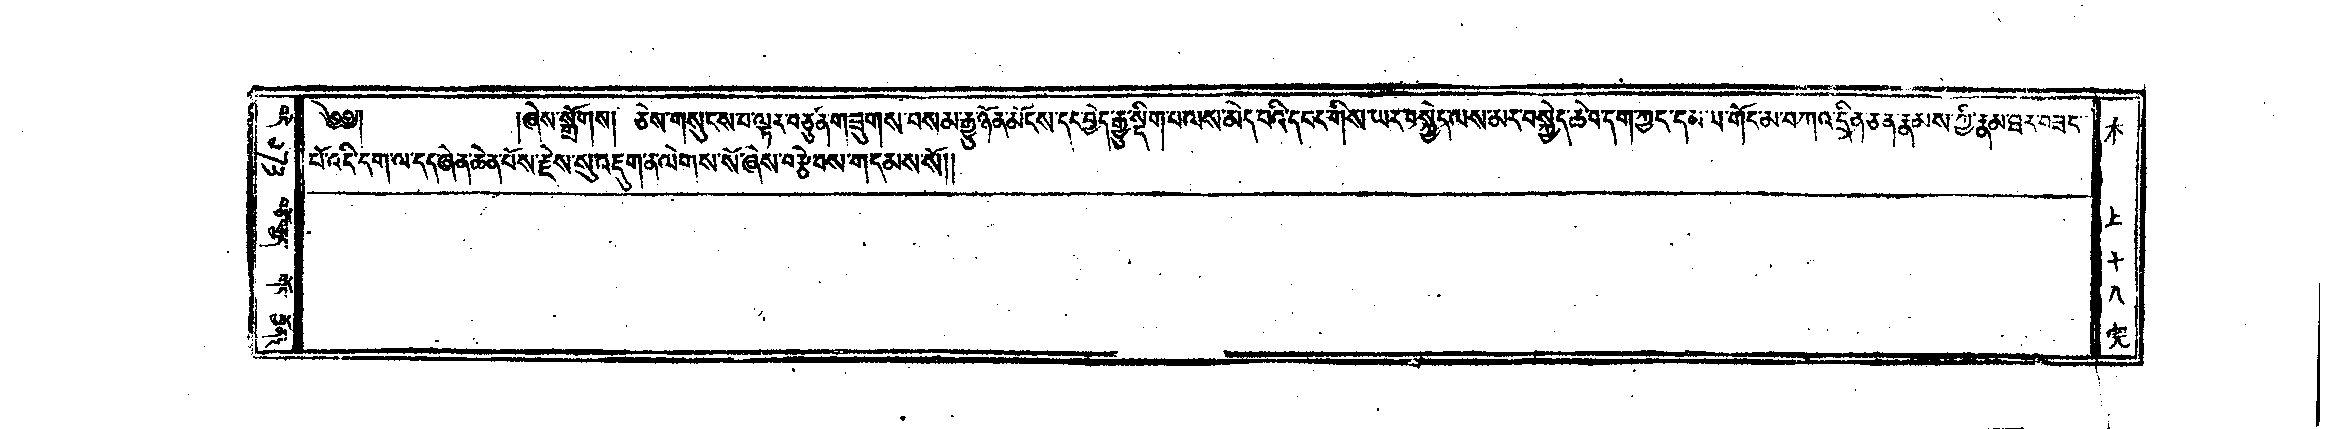༄༅། །ཞེས་སྒྲོགས། ཅེས་གསུངས་པ་ལྟར་བཙུན་གཟུགས་བསམ་རྒྱུ་ཉོན་མོངས་དང་བྱེད་རྒྱུ་སྡིག་པ་ལས་མེད་པའི་དབང་གིས་ཡར་བསྐྱེད་ལས་མར་བསྐྱེད་ཆེ་བ་དག་ཀྱང་དམ་པ་གོང་མ་བཀའ་དྲིན་ཅན་རྣམས་ཀྱི་རྣམ་ཐར་བཟང་
པོ་འདི་དག་ལ་དད་ཞེན་ཆེན་པོས་རྗེས་སུ་འཇུག་ན་ལེགས་སོ་ཞེས་བརྩེ་བས་གདམས་སོ།།